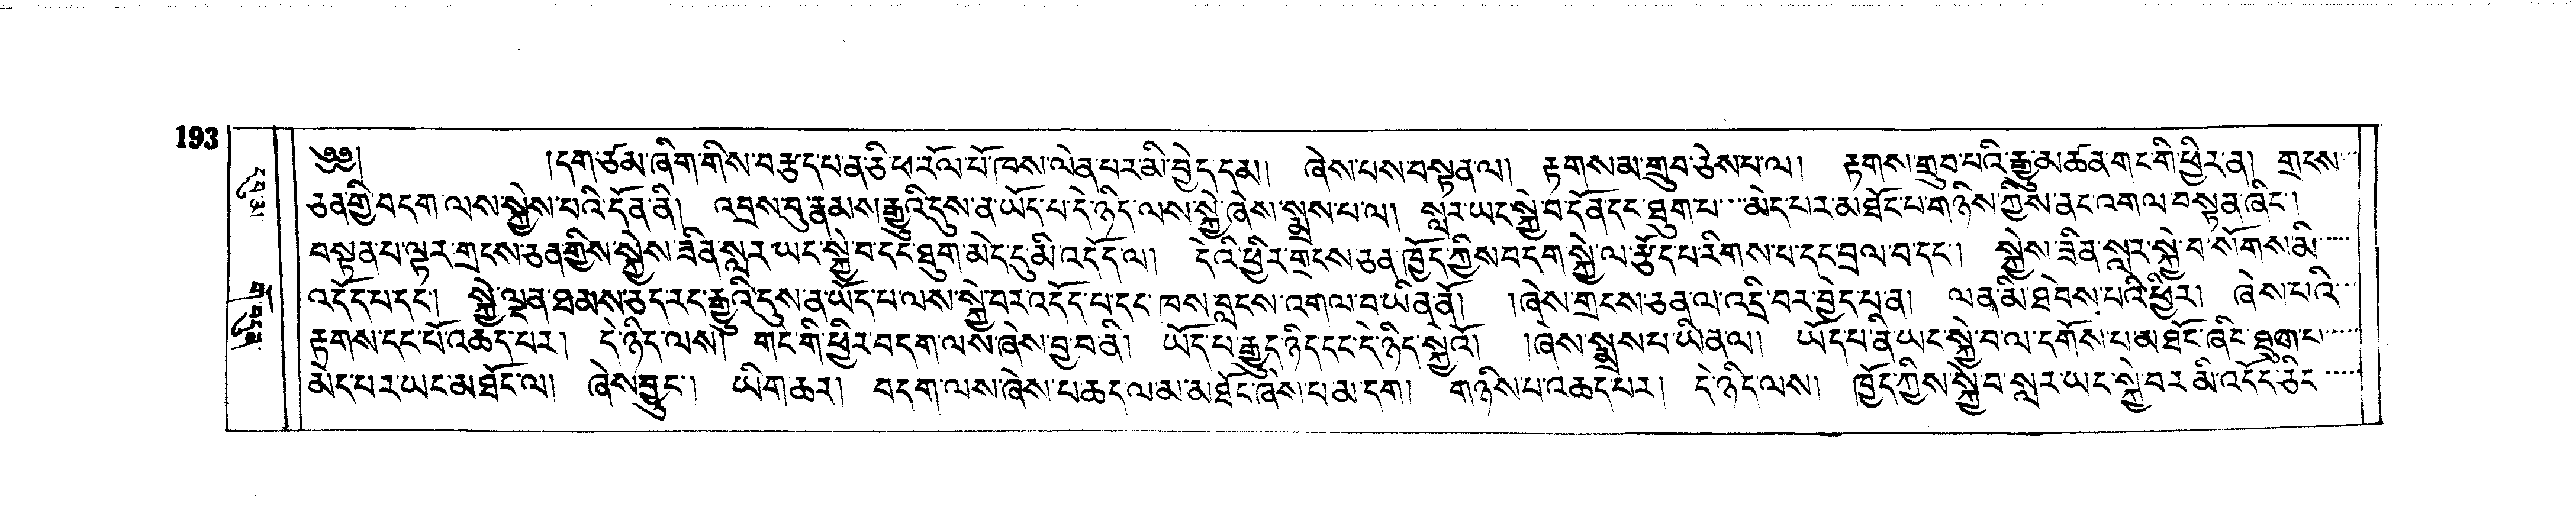༄༅། །དག་ཙམ་ཞིག་གིས་བརྩད་པ་ན་ཅི་ཕ་རོལ་པོ་ཁས་ལེན་པར་མི་བྱེད་དམ། ཞེས་པས་བསྟན་ལ། རྟགས་མ་གྲུབ་ཅེས་པ་ལ། རྟགས་གྲུབ་པའི་རྒྱུ་མཚན་གང་གི་ཕྱིར་ན། གྲངས་
ཅན་གྱི་བདག་ལས་སྐྱེས་པའི་དོན་ནི། འབྲས་བུ་རྣམས་རྒྱུའི་དུས་ན་ཡོད་པ་དེ་ཉིད་ལས་སྐྱེ་ཞེས་སྨྲས་པ་ལ། སླར་ཡང་སྐྱེ་བ་དོན་དང་ཐུག་པ་མེད་པར་མཐོང་པ་གཉིས་ཀྱིས་ནང་འགལ་བསྟན་ཞིང་།
བསྟན་པ་ལྟར་གྲངས་ཅན་གྱིས་སྐྱེས་ཟིན་སླར་ཡང་སྐྱེ་བ་དང་ཐུག་མེད་དུ་མི་འདོད་ལ། དེའི་ཕྱིར་གྲངས་ཅན་ཁྱོད་ཀྱིས་བདག་སྐྱེ་ལ་རྩོད་པ་རིགས་པ་དང་བྲལ་བ་དང་། སྐྱེས་ཟིན་སླར་སྐྱེ་བ་སོགས་མི་
འདོད་པ་དང་། སྐྱེ་ལྡན་ཐམས་ཅད་རང་རྒྱུའི་དུས་ན་ཡོད་པ་ལས་སྐྱེ་བར་འདོད་པ་དང་ཁས་བླངས་འགལ་བ་ཡིན་ནོ། །ཞེས་གྲངས་ཅན་ལ་འདྲི་བར་བྱེད་པ་ན། ལན་མི་ཐེབས་པའི་ཕྱིར། ཞེས་པའི་
རྟགས་དང་པོ་འཆད་པར། དེ་ཉིད་ལས། གང་གི་ཕྱིར་བདག་ལས་ཞེས་བྱ་བ་ནི། ཡོད་པ་རྒྱུད་ཉིད་དང་དེ་ཉིད་སྐྱེའོ། །ཞེས་སྨྲས་པ་ཡིན་ལ། ཡོད་པ་ནི་ཡང་སྐྱེ་བ་ལ་དགོས་པ་མཐོང་ཞིང་ཐུག་པ་
མེད་པར་ཡང་མཐོང་ལ། ཞེས་བྱུང་། ཡིག་ཆར། བདག་ལས་ཞེས་པ་ཆད་ལ་མ་མཐོང་ཞེས་པ་མ་དག། གཉིས་པ་འཆད་པར། དེ་ཉིད་ལས། ཁྱོད་ཀྱིས་སྐྱེ་བ་སླར་ཡང་སྐྱེ་བར་མི་འདོད་ཅིང་